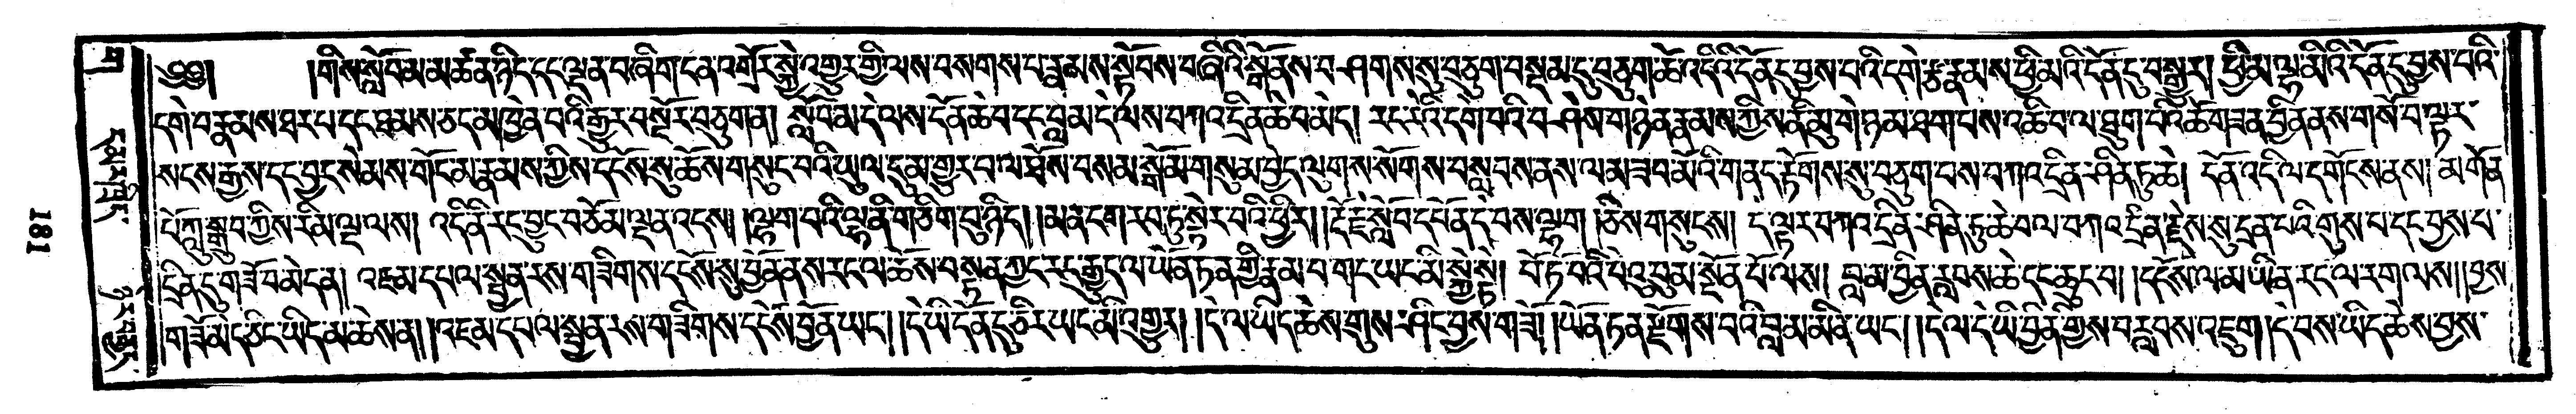༄༅། །གིས་སློབ་མ་མཚན་ཉིད་དང་ལྡན་བ་ཞིག་ངན་འགྲོར་སྐྱེ་འགྱུར་གྱི་ལས་བསགས་པ་རྣམས་སྟོབས་བཞིའི་སྒོ་ནས་བཤགས་སུ་བཅུག་བསྡམ་དུ་བཅུག་ཆོ་འདིའི་དོན་དུ་བྱས་པའི་དགེ་རྩ་རྣམས་ཕྱི་མའི་དོན་དུ་བསྒྱུར། ཕྱི་མ་ལྷ་མིའི་དོན་དུ་བྱས་པའི་
དགེ་བ་རྣམས་ཐར་པ་དང་ཐམས་ཅད་མཁྱེན་བའི་རྒྱུར་བསྔོར་བཅུག་ན། སློབ་མ་དེ་ལས་དོན་ཆེ་བ་དང་བླ་མ་དེ་ལས་བཀའ་དྲིན་ཆེ་བ་མེད། རང་རེའི་དགེ་བའི་བཤེས་གཉེན་རྣམས་ཀྱིས་ནི་མུ་གེ་ཉམ་ཐག་པས་འཆི་བ་ལ་ཐུག་བའི་ཆོ་གཟན་བྱིན་ནས་གསོ་བ་ལྟར་
སངས་རྒྱས་དང་བྱང་སེམས་གོང་མ་རྣམས་ཀྱིས་དངོས་སུ་ཆོས་གསུང་བའི་ཡུལ་དུ་མ་གྱུར་པ་ལ་ཐོས་བསམ་སྒོམ་གསུམ་བྱེད་ལུགས་སོགས་བསླབས་ནས་ལམ་ཟབ་མོའི་གནད་རྟོགས་སུ་བཅུག་པས་བཀའ་དྲིན་ཤིན་ཏུ་ཆེ། དོན་འདི་ལ་དགོངས་ནས། མགོན་
པོ་ཀླུ་སྒྲུབ་ཀྱིས་རིམ་ལྔ་ལས། འདི་ནི་རང་བྱུང་བཅོམ་ལྡན་འདས། །ལྷག་བའི་ལྷ་ནི་གཅིག་བུ་ཉིད། །མན་ངག་རབ་ཏུ་སྟེར་བའི་ཕྱིར། །རྡོ་རྗེ་སློབ་དཔོན་དེ་བས་ལྷག །ཅེས་གསུངས། དེ་ལྟར་བཀའ་དྲིན་ཤིན་ཏུ་ཆེ་བ་ལ་བཀའ་དྲིན་རྗེས་སུ་དྲན་པའི་གུས་བ་དང་བྱས་པ་
དྲིན་དུ་གཟོ་བ་མེད་ན། འཇམ་དཔལ་སྤྱན་རས་གཟིགས་དངོས་སུ་བྱོན་ནས་རང་ལ་ཆོས་བསྟན་ཀྱང་རང་རྒྱུད་ལ་ཡོན་ཏན་གྱི་རྣམ་པ་གང་ཡང་མི་སྐྱེ་སྟེ། བོ་ཏོ་བའི་པེའུ་བུམ་སྔོན་པོ་ལས། བླ་མ་བྱིན་རླབས་ཆེ་དང་ཆུང་བ། །དངོས་ལ་མ་ཡིན་རང་ལ་རག་ལས། །བྱས་
གཟོ་མེད་ཅིང་ཡིད་མ་ཆེས་ན། །འཇམ་དཔལ་སྤྱན་རས་གཟིགས་དངོས་བྱོན་ཡང་། །དེ་ཡི་དོན་དུ་ཅིར་ཡང་མི་འགྱུར། །དེ་ལ་ཡིད་ཆེས་གུས་ཤིང་བྱས་གཟོ། །ཡོན་ཏན་རྫོགས་བའི་བླ་མ་མིན་ཡང་། །དེ་ལ་དེ་ཡི་བྱིན་གྱིས་བརླབས་འཇུག །དེ་བས་ཡིད་ཆེས་བྱས་